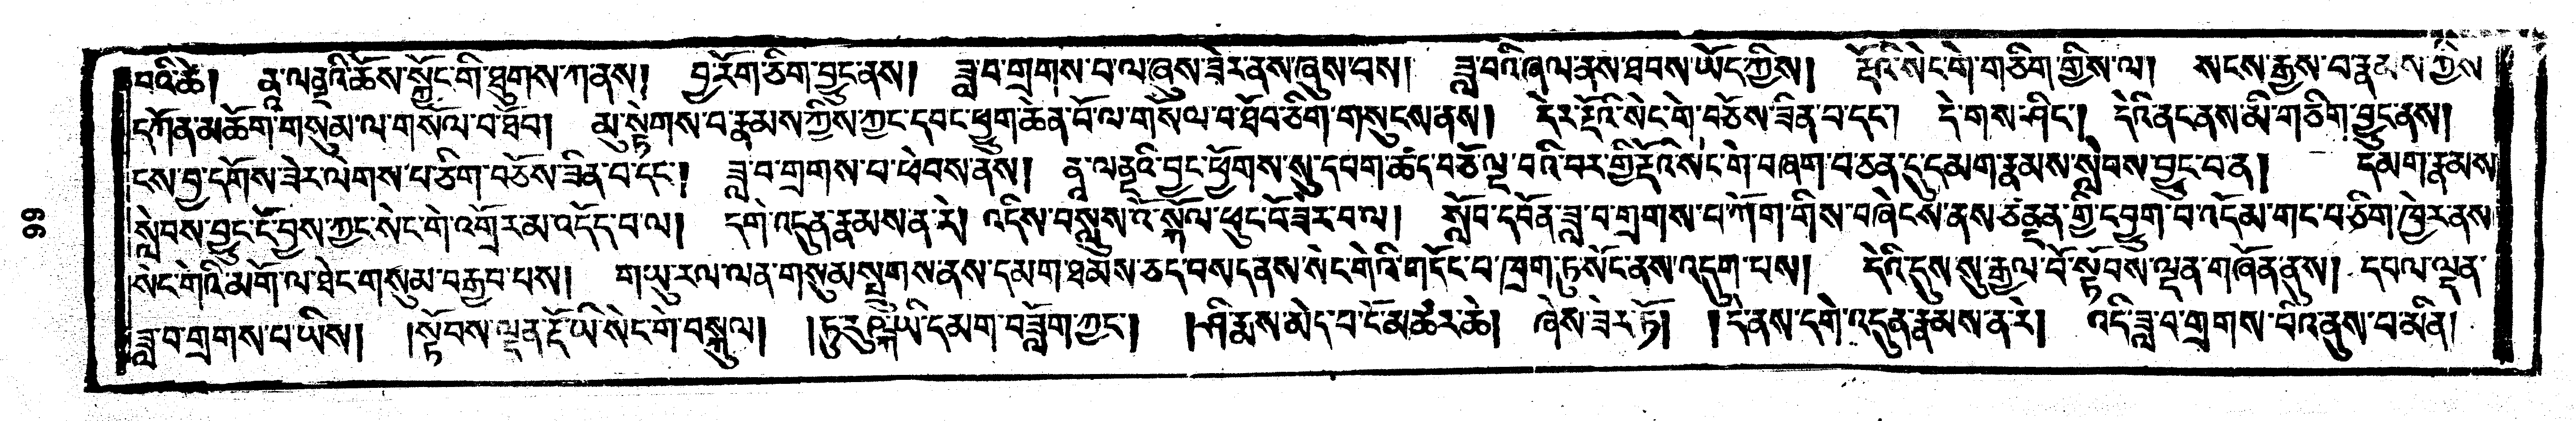བའི་ཚེ། ནཱ་ལནྡའི་ཆོས་སྐྱོང་གི་ཐུགས་ཀ་ནས། བྱ་རོག་ཅིག་བྱུང་ནས། ཟླ་བ་གྲགས་པ་ལ་ཞུས་ཟེར་ནས་ཞུས་པས། ཟླ་བའི་ཞལ་ནས་ཐབས་ཡོད་ཀྱིས། རྡོའི་སེང་གེ་གཅིག་གྱིས་ལ། སངས་རྒྱས་བ་རྣམས་ཀྱིས་
དཀོན་མཆོག་གསུམ་ལ་གསོལ་བ་ཐོབ། མུ་སྟེགས་པ་རྣམས་ཀྱིས་ཀྱང་དབང་ཕྱུག་ཆེན་པོ་ལ་གསོལ་བ་ཐོབ་ཅིག་གསུངས་ནས། དེར་རྡོའི་སེང་གེ་བཅོས་ཟིན་པ་དང་། དེ་གས་ཤིང་། དེའི་ནང་ནས་མི་གཅིག་བྱུང་ནས།
ངས་བྱ་དགོས་ཟེར་ལེགས་པ་ཅིག་བཅོས་ཟིན་པ་དང་། ཟླ་བ་གྲགས་པ་ཕེབས་ནས། ནཱ་ལནྡའི་བྱང་ཕྱོགས་སུ་དཔག་ཚད་བཅོ་ལྔ་བའི་བར་གྱི་རྡོའི་སེང་གེ་བཞག་པ་ཅན་དུ་དམག་རྣམས་སླེབས་བྱུང་བ་ན། དམག་རྣམས་
སླེབས་བྱུང་ངོ་བྱས་ཀྱང་སེང་གེ་འགྲོར་མ་འདོད་པ་ལ། དགེ་འདུན་རྣམས་ན་རེ། འདིས་བསླུས་འོ་སྐོལ་ཕུང་པོ་ཟེར་བ་ལ། སློབ་དཔོན་ཟླ་བ་གྲགས་བ་ཀོག་གིས་བཞེངས་ནས་ཙནྡན་གྱི་དབྱུང་པ་འདོམ་གང་པ་ཅིག་ཁྱེར་ནས་
སེང་གེའི་མགོ་ལ་ཐེང་གསུམ་བརྒྱབ་པས། གཡུ་རལ་ལན་གསུམ་སྤྲུགས་ནས་དམག་ཐམས་ཅད་བསད་ནས་སེང་གེའི་གདོང་བ་ཁྲག་ཏུ་སོང་ནས་འདུག་པས། དེའི་དུས་སུ་རྒྱལ་པོ་སྟོབས་ལྡན་གཞོན་ནུས། དཔལ་ལྡན་
ཟླ་བ་གྲགས་པ་ཡིས། །སྟོབས་ལྡན་རྡོ་ཡི་སེང་གེ་བསྐུལ། །ཏུ་རུཥྐ་ཡི་དམག་བཟློག་ཀྱང་། །ཤི་རྨས་མེད་པ་ངོ་མཚར་ཆེ། ཞེས་ཟེར་ཏོ། །དེ་ནས་དགེ་འདུན་རྣམས་ན་རེ། འདི་ཟླ་བ་གྲགས་པའི་ནུས་པ་མིན།